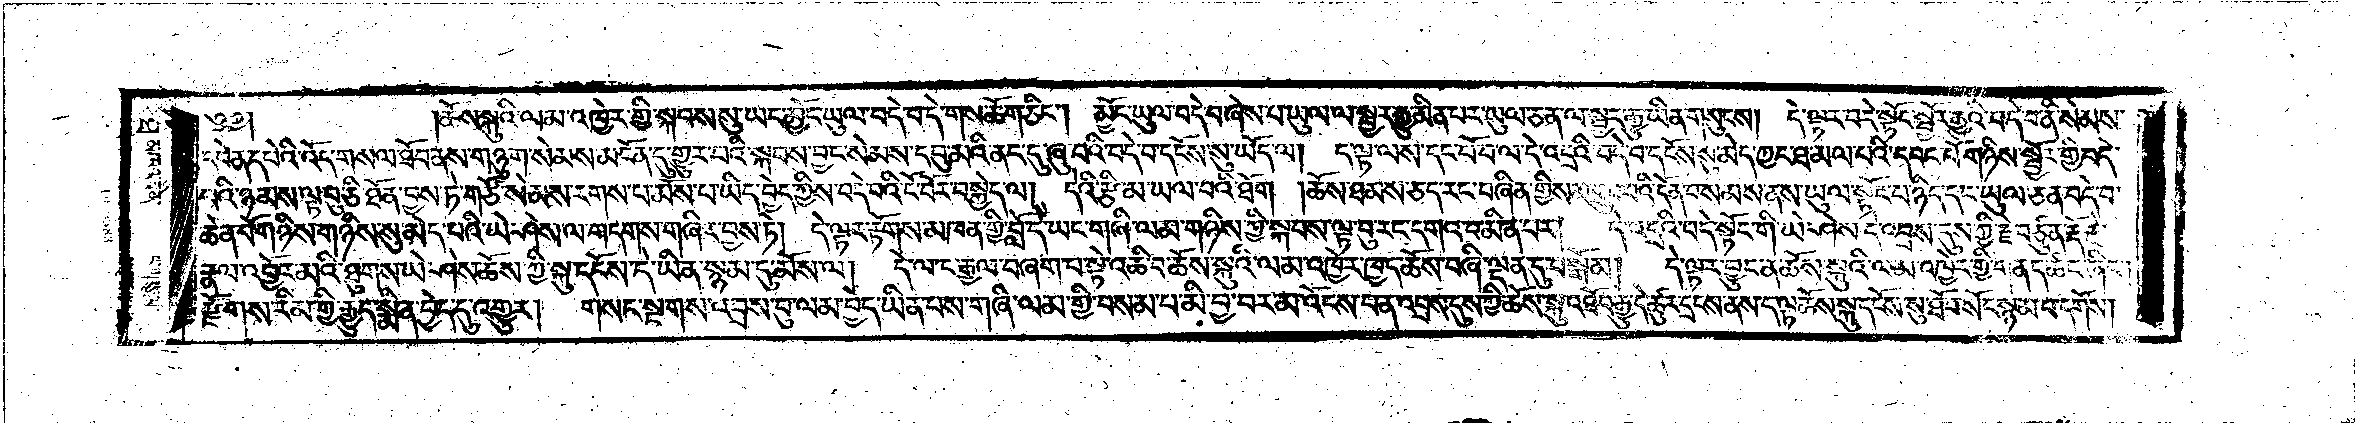༄༅། །ཆོས་སྐུའི་ལམ་འཁྱེར་གྱི་སྐབས་སུ་ཡང་མྱོད་ཡུལ་བདེ་བ་དེ་གས་ཆོག་ཅིང་། མྱོང་ཡུལ་བདེ་བ་ཞེས་བ་ཡུལ་ལ་སྦྱར་རྒྱུ་མིན་པར་ཡུལ་ཅན་ལ་སྦྱར་རྒྱུ་ཡིན་གསུངས། དེ་ལྟར་བདེ་སྟོང་སྦྱོར་རྒྱུའི་བདེ་བ་ནི་སེམས་
དབེན་དཔེའི་འོད་གསལ་ཐོབ་ནས་གཉུག་སེམས་མངོན་དུ་གྱུར་བའི་སྐབས་བྱང་སེམས་དབུ་མའི་ནང་དུ་ཞུ་བའི་བདེ་བ་དངོས་སུ་ཡོད་ལ། ད་ལྟ་ལས་དང་པོ་བ་ལ་དེ་འདྲའི་བདེ་བ་དངོས་སུ་མེད་ཀྱང་ཐ་མལ་པའི་དབང་པོ་གཉིས་སྦྱོར་གྱི་བདེ་
བའི་ཉམས་ལྟ་བུ་ཅི་ཐོ་ན་བྱས་ཏེ་གཙོ་སེམས་རགས་པ་མོས་པ་ཡིད་བྱེད་ཀྱིས་བདེ་བའི་ངོ་བོར་བསྐྱེད་ལ། དེའི་རྩི་མ་ཡལ་བའི་ཐོག །ཆོས་ཐམས་ཅད་རང་བཞིན་གྱིས་མ་གྲུབ་པའི་དོན་བསམས་ནས་ཡུལ་སྟོང་པ་ཉིད་དང་ཡུལ་ཅན་བདེ་བ་
ཆེན་པོ་གཉིས་གཉིས་སུ་མེད་པའི་ཡེ་ཤེས་ལ་གདགས་གཞིར་བྱས་ཏེ། དེ་ལྟར་རྟོགས་མཁན་གྱི་བློ་དེ་ཡང་གཞི་ལམ་གཉིས་ཀྱི་སྐབས་ལྟ་བུ་རང་དགའ་བ་མིན་པར། དེ་འདྲའི་བདེ་སྟོང་གི་ཡེ་ཤེས་དེ་འབྲས་དུས་ཀྱི་རྗེ་བཙུན་རྡོ་རྗེ་
རྣལ་འབྱོར་མའི་ཐུགས་ཡེ་ཤེས་ཆོས་ཀྱི་སྐུ་དངོས་དེ་ཡིན་སྙམ་དུ་མོས་ལ། དེ་ལ་ང་རྒྱལ་བཞག་པ་སྟེ་འཆི་བ་ཆོས་སྐུའི་ལམ་འཁྱེར་ཁྱད་ཆོས་བཞི་ལྡན་དུ་བསྒོམ། དེ་ལྟར་བྱུང་ན་ཆོས་སྐུའི་ལམ་འཁྱེར་གྱི་གནད་ཚང་ཞིང་།
རྫོགས་རིམ་གྱི་རྒྱུད་སྨིན་བྱེད་དུ་འགྱུར། གསང་སྔགས་འབྲས་བུ་ལམ་བྱེད་ཡིན་པས་གཞི་ལམ་གྱི་བསམ་པ་མི་བྱ་བར་མ་འོངས་པ་ན་འབྲས་དུས་ཀྱི་ཆོས་སྐུ་འཐོབ་རྒྱུ་དེ་ཚུར་དྲངས་ནས་ད་ལྟ་ཆོས་སྐུ་དངོས་སུ་ཐོབ་སོང་སྙམ་པ་དགོས།